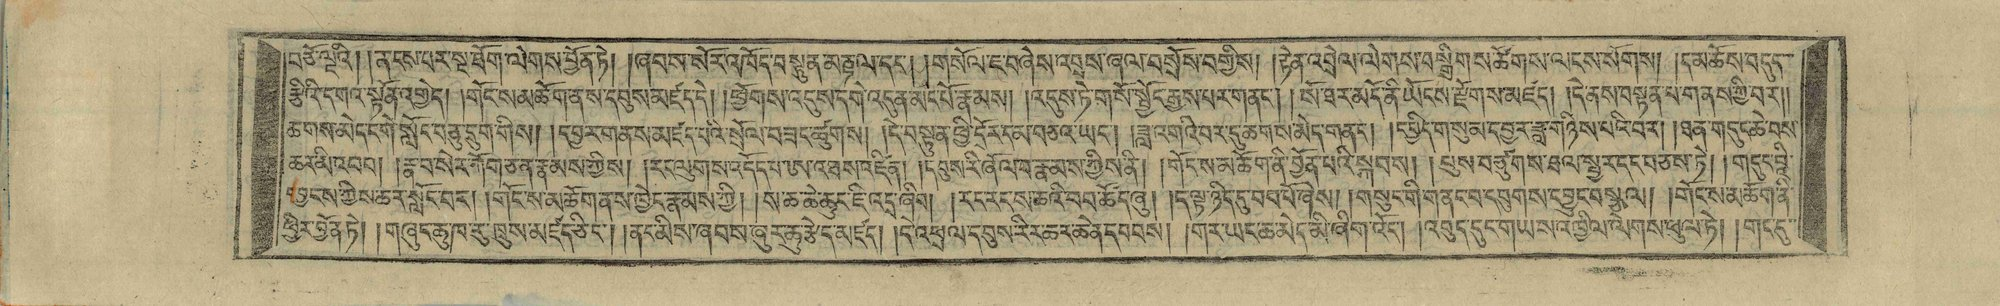བཅོ་ལྔའི། །ནངས་པར་སྔ་ཐོག་ལེགས་བྱོན་ཏེ། །ཞབས་སོར་འཁོད་བསྟུན་མཎྜལ་དང་། །གསོལ་ཇ་བཞེས་འབྲས་ཞལ་བསྲོས་བགྱིས། །རྟེན་འབྲེལ་ལེགས་བསྒྲིགས་ཚོགས་ལངས་སོགས། །དམ་ཆོས་བདུད་
རྩིའི་དགའ་སྟོན་འགྱེད། །གོང་ས་མཆོག་ནས་དབུས་མཛད་དེ། །ཕྱོགས་འདུས་དགེ་འདུན་མང་པོ་རྣམས། །འདུས་ཏེ་གསོ་སྦྱོང་རྒྱས་པར་གནང་། །སོ་ཐར་མདོ་ནི་ཡོངས་རྫོགས་མཛད། །དེ་ནས་བསྟན་པ་གནས་ཀྱི་བར། །
ཆགས་མེད་དགེ་སློང་བཅུ་དྲུག་གིས། །དབྱར་གནས་མཛད་པའི་སྲོལ་བཟང་ཚུགས། །དེ་བསྟུན་ཕྱི་དྲོར་དམ་བཅའ་ཡང་། །ཟླ་འགའི་བར་དུ་ཆགས་མེད་གནང་། །དབྱིད་གསུམ་དབྱར་ཟླ་གཉིས་པའི་བར། །ཐན་གདུང་ཆེ་བས་
ཆར་མི་འབབ། །རྣ་བ་སེར་ཀོག་ཅན་རྣམས་ཀྱིས། །རང་ལུགས་འདོད་པ་ཨ་འཐས་འཛིན། །དབུས་རི་ཞོལ་བ་རྣམས་ཀྱིས་ནི། །གོང་ས་མཆོག་ནི་བྱོན་པའི་སྐབས། །པུས་བཙུགས་ཐལ་སྦྱར་དང་བཅས་ཏེ། །གདུང་བའི་
དབྱངས་ཀྱིས་ཆར་སློང་བར། །གོང་ས་མཆོག་ནས་ཁྱེད་རྣམས་ཀྱི། །ས་ཆ་ཆེ་ཆུང་ཇི་འདྲ་ཞིབ། །རང་རང་ས་ཆའི་བབ་ཚོད་ཞུ། །ད་ལྟ་ཉིད་དུ་བབ་པོ་ཞེས། །གསུང་གི་གནང་བ་དབུགས་དབྱུང་བསྩལ། །གོང་ས་མཆོག་ནི་
ཕྱིར་བྱོན་ཏེ། །གཞུང་ཆུ་ཁ་རུ་ཁྲུས་མཛད་ཅིང་། །ནང་མིས་ཞབས་ཞུར་ཆུ་རྩེད་མཛད། །དེ་འཕྲལ་དབུས་རིར་ཆར་ཆེན་དབབས། །གར་ཡང་ཆ་མེད་མི་ཞིག་འོང་། །འབུད་དུང་གཡས་འཁྱིལ་ལེགས་ཕུལ་ཏེ། །གང་དུ་